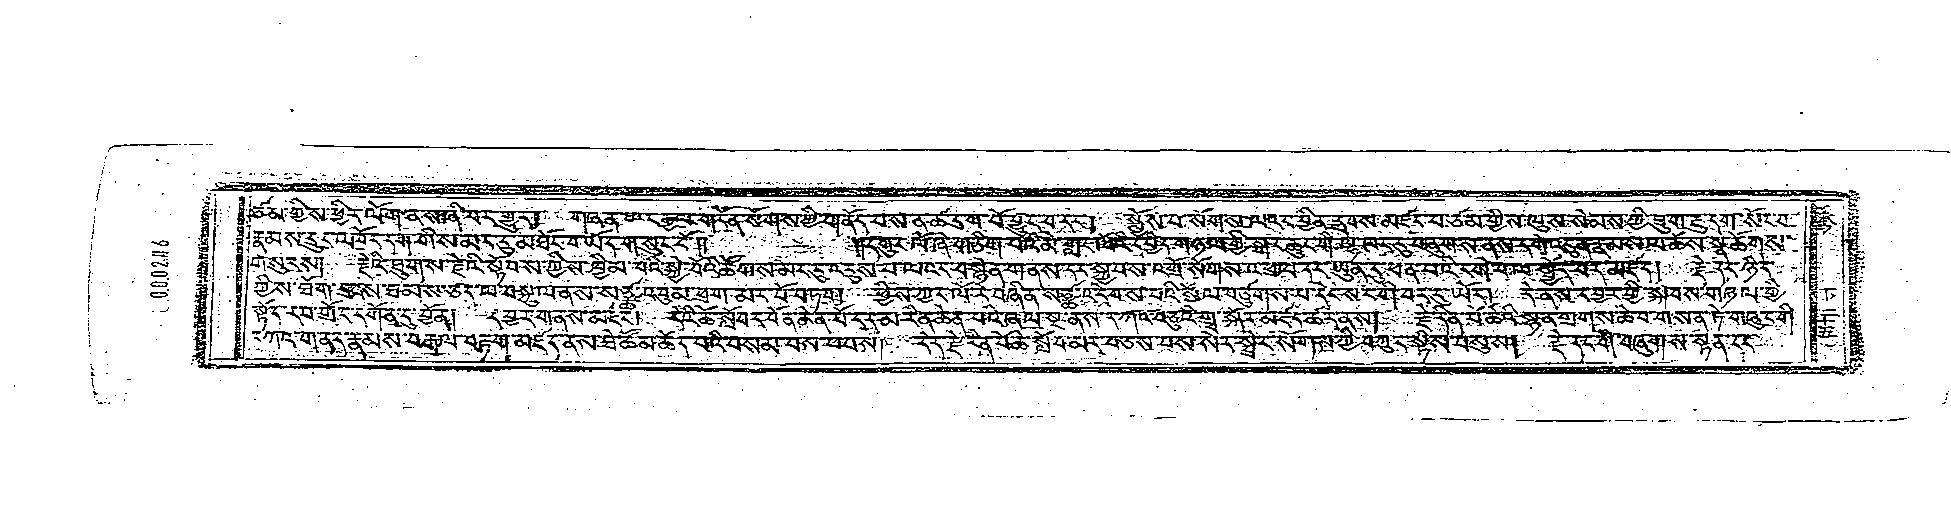ཙམ་གྱིས་ཕྱིར་ལོག་ནས་ཞི་བར་གྱུར། གཞན་ཡང་རྒྱལ་གདོན་སོགས་ཀྱི་གནོད་པས་ན་ཚ་དྲག་པོ་བྱུང་བ་དང་། སྨྱོས་པ་སོགས་ལའང་བྱིན་རླབས་མཛད་པ་ཙམ་གྱིས་ལུས་སེམས་ཀྱི་ཟུག་རྔུ་དག་སོང་བ་
རྣམས་དྲུང་ལ་བོད་དག་གིས་མང་དུ་མཐོང་བ་ཡོད་གསུང་ངོ།། །།དགུང་ལོ་ཞེ་གཅིག་པའི་མེ་གླང་ལོའི་དཔྱིད་གཉལ་གྱི་སྒང་ཆུང་གི་ལྷ་ཁང་དུ་བཞུགས་ནས་དགེ་འདུན་རྣམས་ལ་ཆོས་སྣ་ཚོགས་
གསུངས། རྗེའི་ཐུགས་རྗེའི་སྟོབས་ཀྱིས་ཁྱིམ་པའི་སྐྱེ་བོའི་ཚོགས་མང་དུ་འདུས་པ་ལའང་བསྙེན་གནས་དང་སྐྱབས་འགྲོ་སོགས་འཕྲལ་དང་ཡུན་དུ་ཕན་པའི་དགེ་བ་ལ་སྤྱོད་པར་མཛད། རྗེ་རང་ཉིད་
ཀྱིས་ཐོག་དྲངས་ཐམས་ཅད་ལ་བསྐུལ་ནས་སཙྪ་འབུམ་ཕྲག་མང་པོ་བཏབ། ཕྱིས་ཀྱང་ལོ་རེ་བཞིན་སཙྪ་འདེབས་པའི་སྲོལ་བཙུགས་པ་དེང་སང་གི་བར་དུ་ཡོད། དེ་ནས་དབྱར་གྱི་སྐབས་གཉལ་གྱི་
སྟོང་རབ་གྲོང་དགོན་དུ་བྱོན། དབྱར་གནས་མཛད། དེའི་ཚེ་སློབ་དཔོན་ཆེན་པོ་དར་མ་རིན་ཆེན་པའི་ཞལ་སྔ་ནས་དཀའ་བཅུའི་གྲྭ་སྐོར་མཛད་ཚར་ནས། རྗེ་རིན་པོ་ཆེའི་སྙན་གྲགས་ཆེ་བ་གསན་ཏེ་གཞུང་གི་
བཀའ་གནད་རྣམས་བརྒལ་བརྟག་མཛད་ནས་ཐེ་ཚོམ་ཆོད་པའི་བསམ་པས་ཕབས། དེར་རྗེ་རིན་པོ་ཆེ་སློབ་མར་བཅས་པས་སེར་སྦྲེང་སོགས་ཀྱི་བཀུར་སྟིས་བསུས། རྗེ་རང་གི་བཞུགས་སྟན་དང་